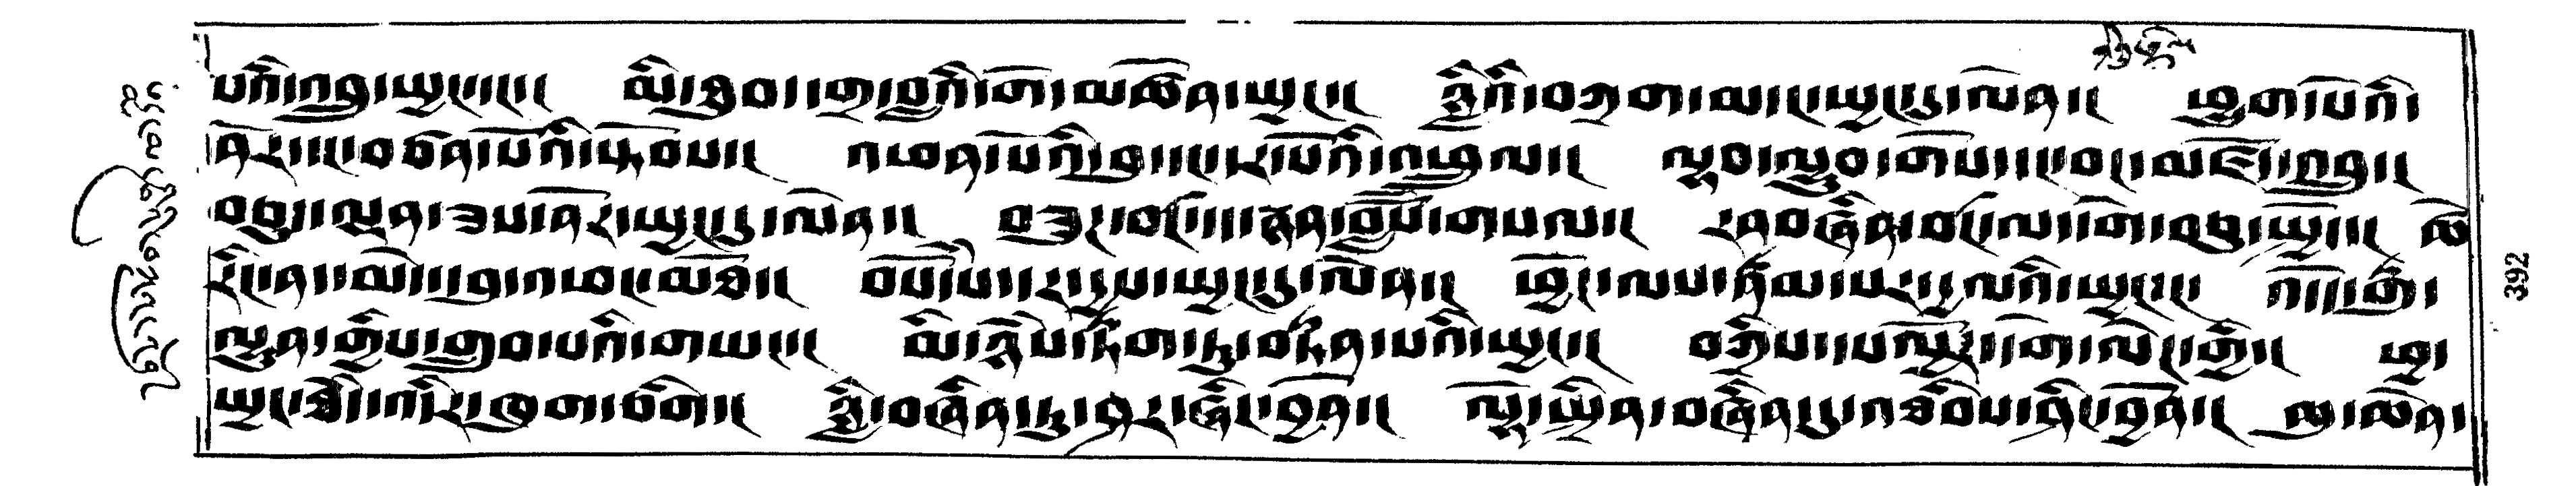པའི་འབྲུ་གཡང་དང་། །མི་ཐུབ་དགྲ་བླའི་གོ་མཚོན་གཡང་། །ཉི་ཟླའི་བཀྲག་མདངས་གཡང་དུ་ལེན། ། ཕྱུག་པོའི་
ནོར་དང་བཙན་པོའི་སྟོབས། །འཕན་པོའི་བུ་དང་དར་པོའི་འཕྲུལ། །ལྷབ་ལྷུབ་གོས་དང་བང་མཛོད་འབྲུ། །
བཅུད་ལྡན་ཟས་ནོར་གཡང་དུ་ལེན། །བཟུགས་བཟངས་དངས་སྙན་བློ་གྲོས་གསལ། །རང་བཞིན་བཟང་ལ་དགེ་བཅུར་སྤྱོད། །ཚེ་
རིང་ནད་མེད་དབུ་འཕང་མཐོ། །བསོད་ནམས་དར་རྒྱས་གཡང་དུ་ལེན། །ཕྱོགས་ལས་རྣམ་པར་རྒྱལ་བའི་གཡང་། །འདོད་རྒུ་
ལྷུན་གྱིས་གྲུབ་པའི་གཡང་། །མི་ཉམས་རྟག་ཏུ་བརྟན་པའི་གཡང་། །བཀྲ་ཤིས་དཔལ་འབྱོར་དགེ་ལེགས་ཀྱི། །ཕྱྭ་
གཡང་ཐམས་ཅད་འདིར་ཁུག་ཅིག།ཉི་ཟླ་བཞིན་ཏུ་ཤར་ཞིང་བྱོན། །ལྷོ་སྤྲིན་བཞིན་དུ་འཐིབས་ཤིང་བྱོན། །ཆུ་ཆེན་